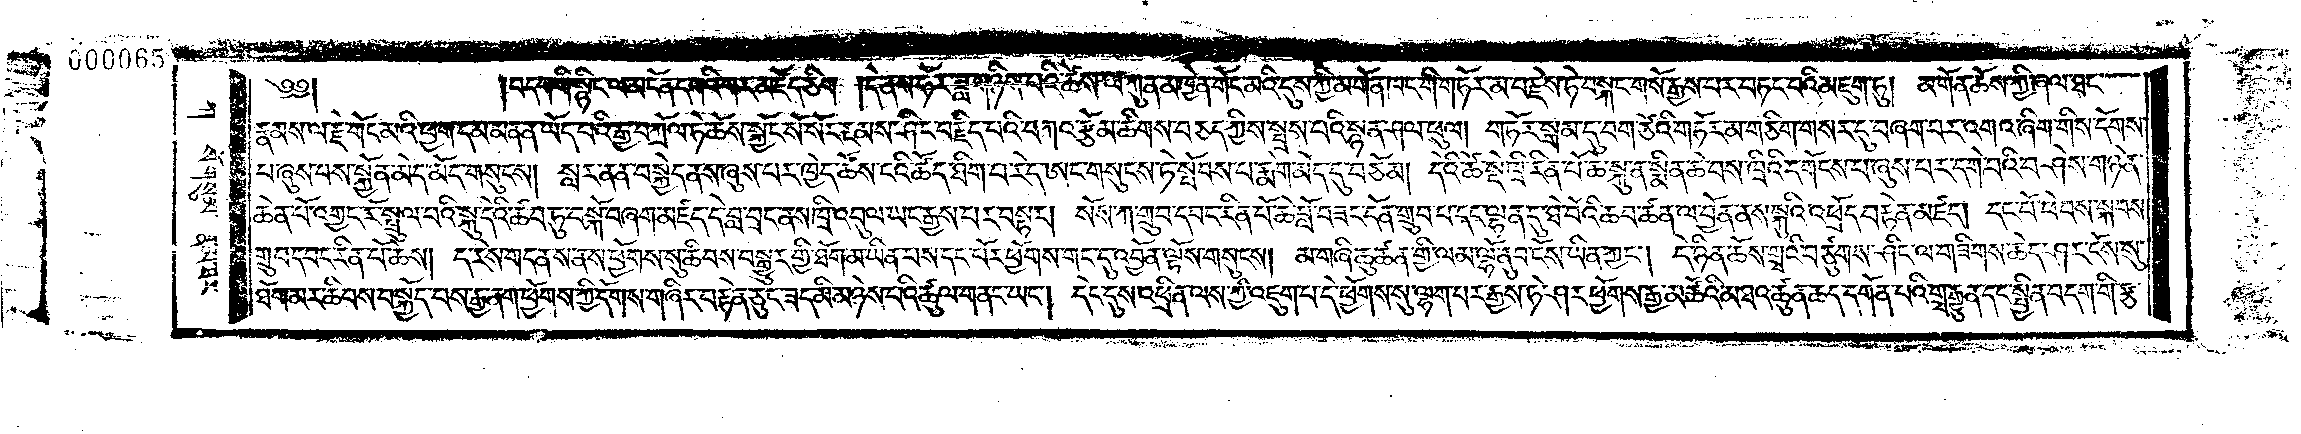༄༅། །བདག་གི་སྙིང་ལ་མངོན་དགའི་གར་མཛོད་ཅིག །དེ་ནས་ཧོར་ཟླ་གཉིས་པའི་ཚེས་ལ་ཀུན་མཁྱེན་གོང་མའི་དུས་ཀྱི་མགོན་ཁང་གི་གཏོར་མ་བརྗེས་ཏེ་བསྐང་གསོ་རྒྱས་པར་བཏང་བའི་མཇུག་ཏུ། མགོན་ཆོས་ཀྱི་ཞལ་ཐང་
རྣམས་ལ་རྗེ་གོང་མའི་ཕྱག་དམ་མནན་ཡོད་པའི་རྒྱ་བཀྲོལ་ཏེ་ཆོས་སྐྱོང་སོ་སོར་རྔམས་ཤིང་བརྗིད་པའི་བཀའ་རྩོམ་ཚིགས་བཅད་ཀྱིས་སྤྲས་པའི་སྙན་གལ་ཕུལ། གཏོར་སྒམ་དུ་བག་ཙེའི་གཏོར་མ་གཅིག་གསར་དུ་བཞག་པར་འགའ་ཞིག་གིས་དོགས་
པ་ཞུས་པས་སྐྱོན་མེད་མོད་གསུངས། སླར་ནན་བསྐྱེད་ནས་ཞུས་པར་ཁྱེད་ཆོས་ངའི་ཚོད་ཐིག་པ་རེད་ཨང་གསུངས་ཏེ་སྤོབས་པ་རྨེག་མེད་དུ་བཅོམ། དེའི་ཚེ་སྡེ་ཁྲི་རིན་པོ་ཆེ་སྐུ་ན་སྨིན་ཆེ་བས་ཁྲིའི་དགོངས་པ་ཞུས་པར་དགེ་བའི་བཤེས་གཉེན་
ཆེན་པོ་འགྱང་རོ་སྤྲུལ་བའི་སྐུ་དེའི་ཚབ་ཏུ་བསྐོ་བཞག་མཛད་དེ་བླ་བྲང་ནས་ཁྲི་འབུལ་ཡང་རྒྱས་པར་བསྟར། སོས་ཀ་གྲུབ་དབང་རིན་པོ་ཆེ་བློ་བཟང་དོན་གྲུབ་པ་དང་ལྷན་དུ་ཐེ་བོའི་ཆབ་ཚན་ལ་བྱོན་ནས་སྐུའི་འཕྲོད་བརྟེན་མཛད། དང་པོ་ཕེབས་སྐབས་
གྲུབ་དབང་རིན་པོ་ཆེས། ད་རེས་གདན་ས་ནས་ཕྱོགས་སུ་ཆིབས་བསྒྱུར་གྱི་ཐོག་མ་ཡིན་པས་དང་པོར་ཕྱོགས་གང་དུ་འབྱོན་ལྟོས་གསུངས། མ་གཞི་ཆུ་ཚན་གྱི་ལམ་ལྷོ་ནུབ་ངོས་ཡིན་ཀྱང་། དེ་ཉིན་ཆོས་གྲྭའི་བཙུགས་ཤིང་ལ་གཟིགས་ཆེད་ཤར་ངོས་སུ་
ཐོག་མར་ཆིབས་བསྐྱོད་བས་རྒྱ་ནག་ཕྱོགས་ཀྱི་དོགས་གཞིར་བརྟེན་ཅུང་ཟད་མི་མཉེས་པའི་ཚུལ་གནང་ཡང་། དེང་དུས་འཕྲིན་ལས་ཀྱི་འཇུག་པ་དེ་ཕྱོགས་སུ་ལྷག་པར་རྒྱས་ཏེ་ཤར་ཕྱོགས་རྒྱ་མཚོའི་མཐའ་ཚུན་ཆད་དགོན་པའི་གྲྭ་རྒྱུན་དང་སྦྱིན་བདག་གི་རྩ་